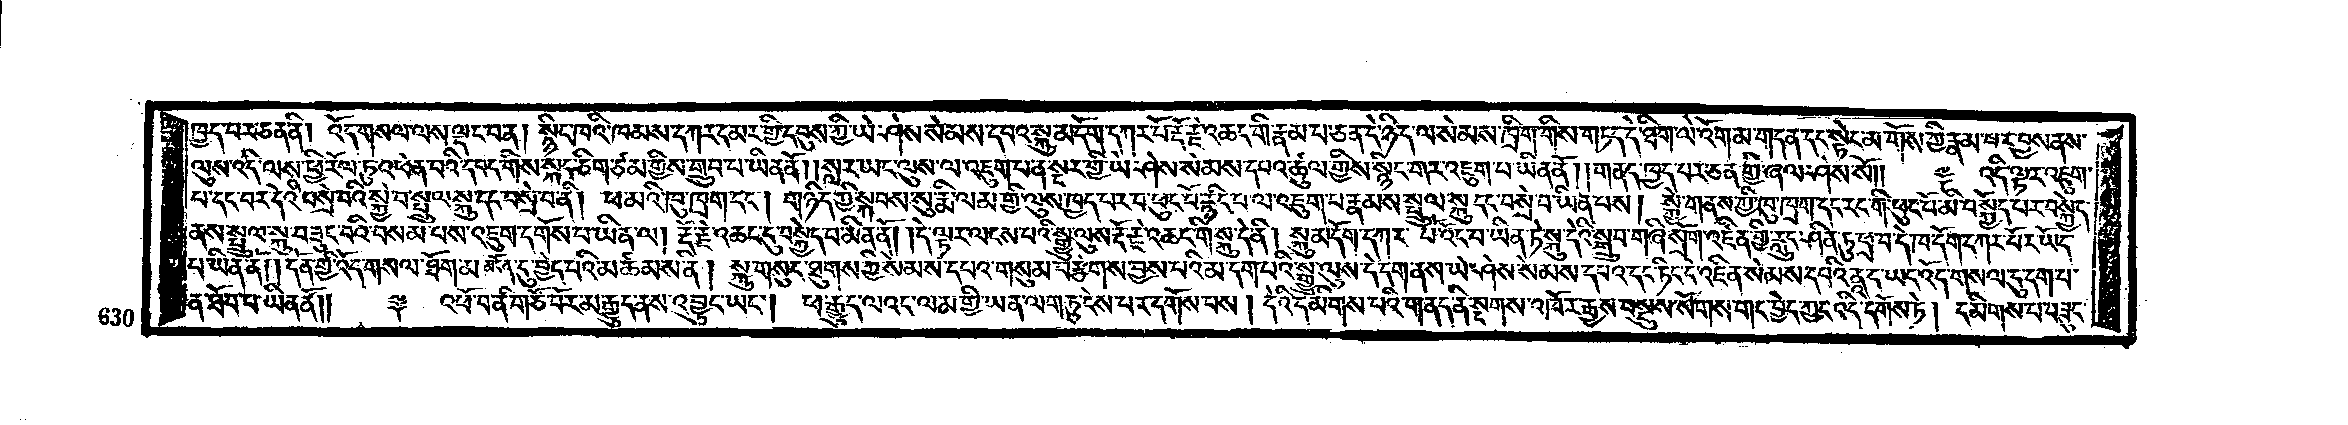ཁྱད་པར་ཅན་ནི། འོད་གསལ་ལས་ལྡང་བ་ན། སྙིང་ཁའི་ཁམས་དཀར་དམར་གྱི་དབུས་ཀྱི་ཡེ་ཤེས་སེམས་དཔའ་སྐུ་མདོག་དཀར་པོ་རྡོ་རྗེ་འཆང་གི་རྣམ་པ་ཅན་དེ་ཉིད་ལ་སེམས་ཁྲིག་གིས་གཏད་དེ་ཐིག་ལེ་འོག་མ་གདན་དང་སྟེང་མ་གོས་ཀྱི་རྣམ་པར་བྱས་ནས་
ལུས་འདི་ལས་ཕྱི་རོལ་ཏུ་འཕེན་པའི་དབང་གིས་སྐད་ཅིག་ཙམ་གྱིས་གྲུབ་པ་ཡིན་ནོ། །སླར་ཡང་ལུས་ལ་འཇུག་པ་ན་སྔར་གྱི་ཡེ་ཤེས་སེམས་དཔའི་ཚུལ་གྱིས་སྙིང་གར་འཇུག་པ་ཡིན་ནོ། །གནད་ཁྱད་པར་ཅན་གྱི་ཞལ་ཤེས་སོ།། ༈ འདི་ལྟར་འཇུག་
པ་དང་བར་དེའི་བསྲེ་བའི་སྐྱེ་བ་སྤྲུལ་སྐུ་དང་བསྲེ་བ་ནི། ཕ་མའི་ཁུ་ཁྲག་དང་། གཉིད་ཀྱི་སྐབས་སུ་རྨི་ལམ་གྱི་ལུས་ཁྱད་པར་བ་ཕུང་པོ་རྙིང་པ་ལ་འཇུག་པ་རྣམས་སྤྲུལ་སྐུ་དང་བསྲེ་བ་ཡིན་པས། སྐྱེ་གནས་ཀྱི་ཁུ་ཁྲག་དང་རང་གི་ཕུང་པོ་མི་བསྐྱོད་པར་བསྐྱེད་
ནས་སྤྲུལ་སྐུ་བཟུང་བའི་བསམ་པས་འཇུག་དགོས་པ་ཡིན་ལ། རྡོ་རྗེ་འཆང་དུ་བསྐྱེད་པ་མིན་ནོ། །དེ་ལྟར་ལངས་པའི་སྒྱུ་ལུས་རྡོ་རྗེ་འཆང་གི་སྐུ་དེ་ནི། སྐུ་མདོག་དཀར་པོ་འོང་བ་ཡིན་ཏེ་སྐུ་དེའི་སྒྲུབ་གཞི་སྲོག་འཛིན་གྱི་རླུང་ཤིན་ཏུ་ཕྲ་བ་དེ་ཁ་དོག་དཀར་པོར་ཡོད་
པ་ཡིན་ནོ། །དོན་གྱི་འོད་གསལ་ཐོག་མ་མངོན་དུ་བྱེད་པའི་མཚམས་ནི། སྐུ་གསུང་ཐུགས་ཀྱི་སེམས་དཔའ་གསུམ་བརྩེགས་བྱས་པའི་མ་དག་པའི་སྒྱུ་ལུས་དེ་དག་ནས་ཡེ་ཤེས་སེམས་དཔའ་དང་ཏིང་ངེ་འཛིན་སེམས་དཔའི་ནཱ་ད་ཡང་འོད་གསལ་དུ་དག་པ་
ན་ཐོབ་པ་ཡིན་ནོ། ༈ འཕོ་བ་ནི་གཙོ་བོར་མ་རྒྱུད་ནས་འབྱུང་ཡང་། ཕ་རྒྱུད་ལའང་ལམ་གྱི་ཡན་ལག་ཏུ་ངེས་པར་དགོས་པས། དེའི་དམིགས་པའི་གནད་ནི་སྔགས་འཁོར་རྒྱས་བསྡུས་སོགས་གང་བྱེད་ཀྱང་འདི་དགོས་ཏེ། དམིགས་པ་བཟུང་